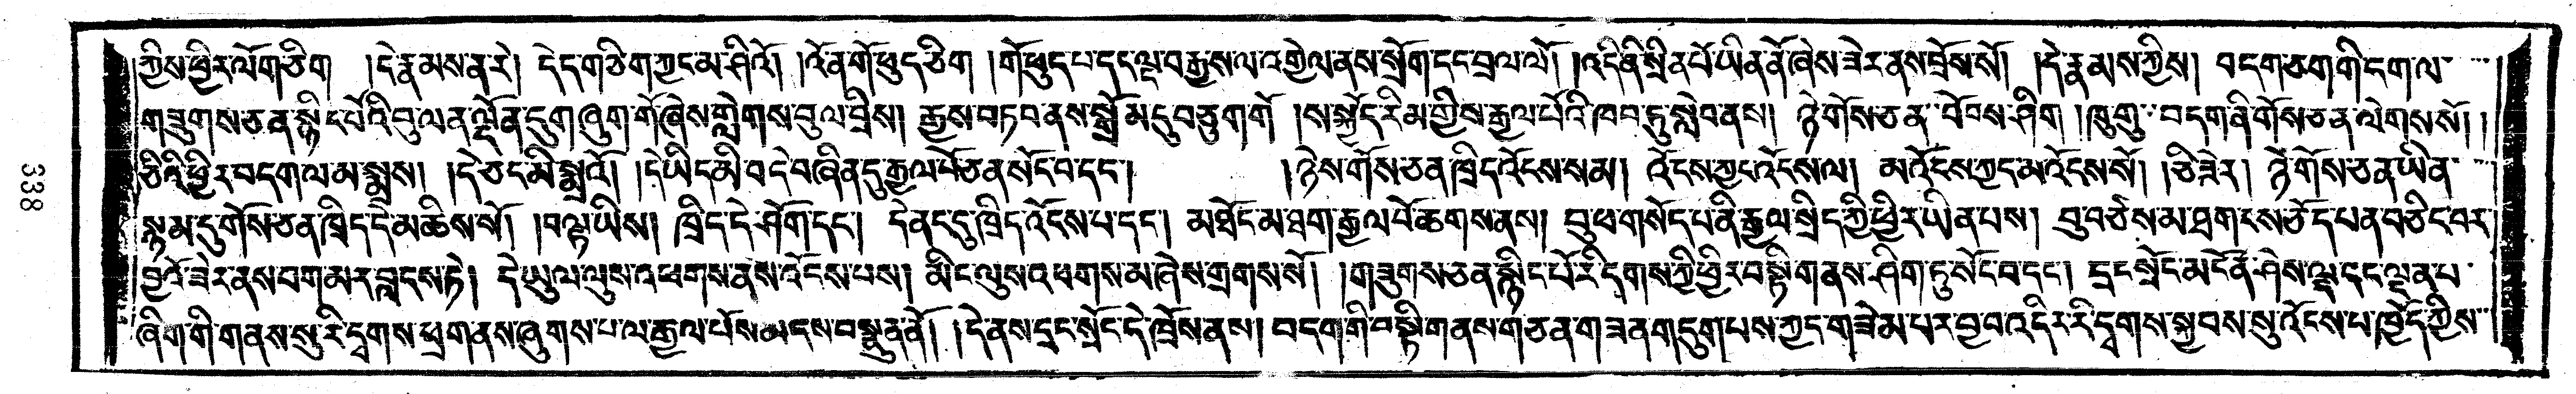ཀྱིས་ཕྱིར་ལོག་ཅིག །དེ་རྣམས་ན་རེ། དེད་གཅིག་ཀྱང་མ་ཤིའོ། །འོ་ན་གོ་ཕུད་ཅིག །གོ་ཕུད་པ་དང་ལྔ་བརྒྱ་ས་ལ་འགྱེལ་ནས་སྲོག་དང་བྲལ་ལོ། །འདི་ནི་སྲིན་པོ་ཡིན་ནོ་ཞེས་ཟེར་ནས་བྲོས་སོ། །དེ་རྣམས་ཀྱིས། བདག་ཅག་གི་ངག་ལ་
གཟུགས་ཅན་སྙིང་པོའི་བུ་ལན་ལྡོན་དུ་གཞུག་གོ་ཞེས་གླེགས་བུལ་བྲིས། རྒྱས་བཏབ་ནས་སྒྲོམ་དུ་བཅུག་གོ །ས་སྐྱོད་རིམ་གྱིས་རྒྱལ་པོའི་ཁབ་ཏུ་སླེབ་ནས། ཉེ་གོས་ཅན་བོབས་ཤིག །ཁུ་གུ༑ བདག་ནི་གོས་ཅན་ལེགས་སོ། །
ཅིའི་ཕྱིར་བདག་ལ་མ་སྨྲས། །དེ་ཅང་མི་སྨྲའོ། །དེ་ཡིད་མི་བདེ་བཞིན་དུ་རྒྱལ་པོ་ཅན་སོང་བ་དང་། །ཉེས་གོས་ཅན་ཁྲིད་འོངས་སམ། འོངས་ཀྱང་འོངས་ལ། མ་འོངས་ཀྱང་མ་འོངས་སོ། །ཅི་ཟེར། ཉེ་གོས་ཅན་ཡིན་
སྙམ་དུ་གོས་ཅན་ཁྲིད་དེ་མཆིས་སོ། །བལྟ་ཡིས། ཁྲིད་དེ་ཤོག་དང་། དེ་ནང་དུ་ཁྲིད་འོངས་པ་དང་། མཐོང་མ་ཐག་རྒྱལ་པོ་ཆགས་ནས། བུ་ཕ་གསོད་པ་ནི་རྒྱལ་སྲིད་ཀྱི་ཕྱིར་ཡིན་པས། བུ་བཙས་མ་ཐག་ངས་ཅོད་པན་བཅིང་བར་
བྱའོ་ཟེར་ནས་བག་མར་བླངས་ཏེ། དེ་ཡུལ་ལུས་འཕགས་ནས་འོངས་པས། མིང་ལུས་འཕགས་མ་ཞེས་གྲགས་སོ། །གཟུགས་ཅན་སྙིང་པོ་རི་དྭགས་ཀྱི་ཕྱིར་བསྟི་གནས་ཤིག་ཏུ་སོང་བ་དང་། དྲང་སྲོང་མངོན་ཤེས་ལྔ་དང་ལྡན་པ་
ཞིག་གི་གནས་སུ་རི་དྭགས་ཕྲག་ནས་ཞུགས་པ་ལ་རྒྱལ་པོས་མངས་བསྣུན་ནོ། །དེ་ནས་དྲང་སྲོང་དེ་ཁྲོས་ནས། བདག་གི་བསྟི་གནས་གཅན་གཟན་གདུགས་པས་ཀྱང་གཟེམ་པར་བྱ་བ་འདིར་རི་དྭགས་སྐྱབས་སུ་འོངས་པ་ཁྱོད་ཀྱིས་